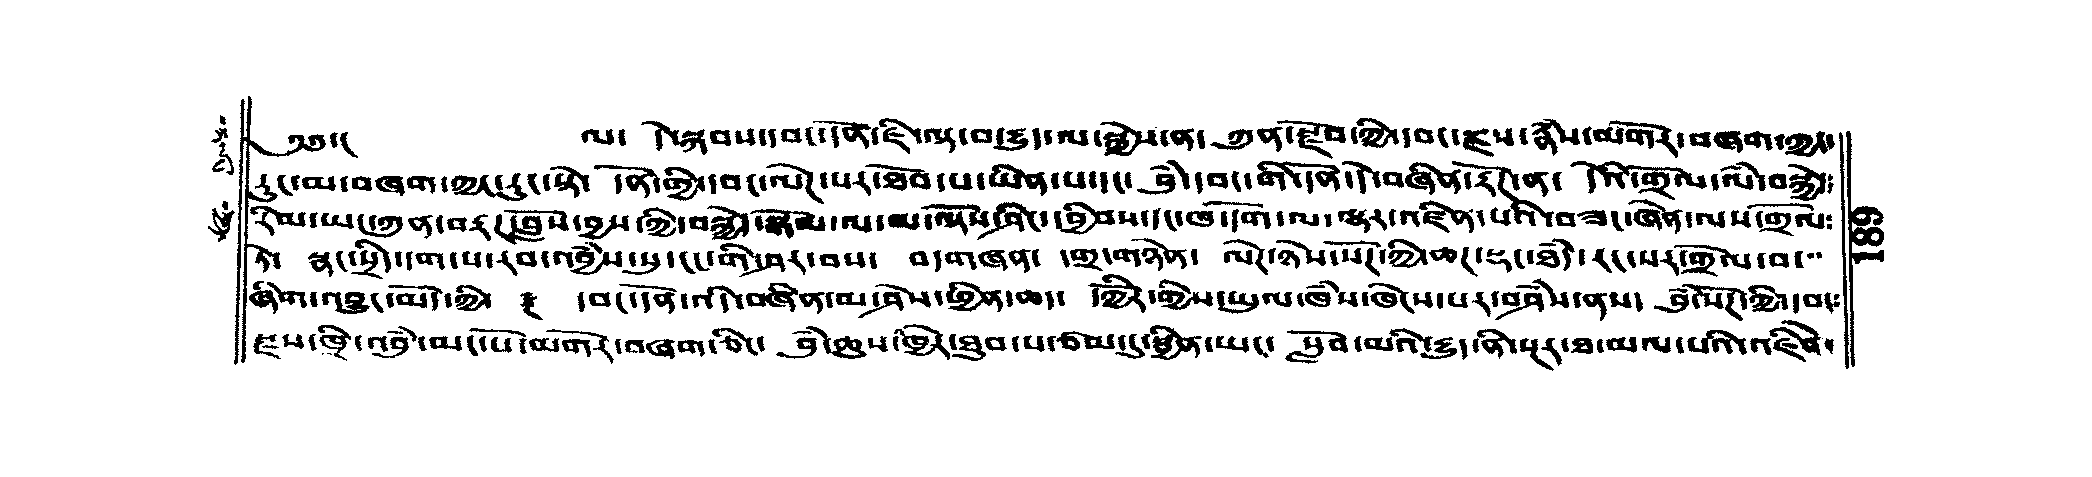ལ། དེ་སྐབས་དབང་དོན་ཇི་ལྟ་བ་རྒྱུད་ལ་སྐྱེས་ན། ཀུན་རྫོབ་ཀྱི་དབང་རྫས་རྣམས་མགོར་བཞག་ཀྱང་
རུང་མ་བཞག་ཀྱང་རུང་སྟེ། དོན་གྱི་དབང་ལེགས་པར་ཐོབ་པ་ཡིན་པ་དང་། བུམ་དབང་གི་དོན་དེ་བཞིན་རྟོགས་ན། དེའི་གྲོལ་ལམ་བསྐྱེད་
རིམ་ཡང་ཀུན་བརྟགས་བློས་བྱས་ཀྱི་བསྐྱེད་སྒོམ་ལ་མ་ལྟོས་ཤིང་དབྱིབས་དང་ཁ་དོག་ལ་ལྷར་འཛིན་པའི་བཟང་ཞེན་ལས་གྲོལ་
ཏེ། སྣང་སྲིད་དག་པར་རབ་འབྱམས་སུ་ངང་གི་ཤར་བས། བདག་གཞན། དགྲ་གཉེན། ལེགས་ཉེས་སོགས་ཀྱི་ཆགས་སྡང་ཐམས་ཅད་རང་སར་གྲོལ་བ་
ཞིག་འབྱུང་མོད་ཀྱི། དབང་དོན་འདི་བཞིན་མ་ཤེས་ཕྱིན་ཆད། དཀྱིལ་འཁོར་གྱིས་ཡུལ་ཁམས་ཁེངས་པར་བཤམས་ནས། བུམ་སོགས་ཀྱི་དབང་
རྫས་ཁྲི་འབུམ་མང་པོ་མགོར་བཞག་ཅིང་། བུམ་ཆུས་འཁྱེར་ཐུབ་པ་ཙམ་དུ་སྦྱིན་ཡང་། སློབ་མའི་རྒྱུད་ནི་སྔར་ཐ་མལ་པའི་འཇིག་རྟེན་